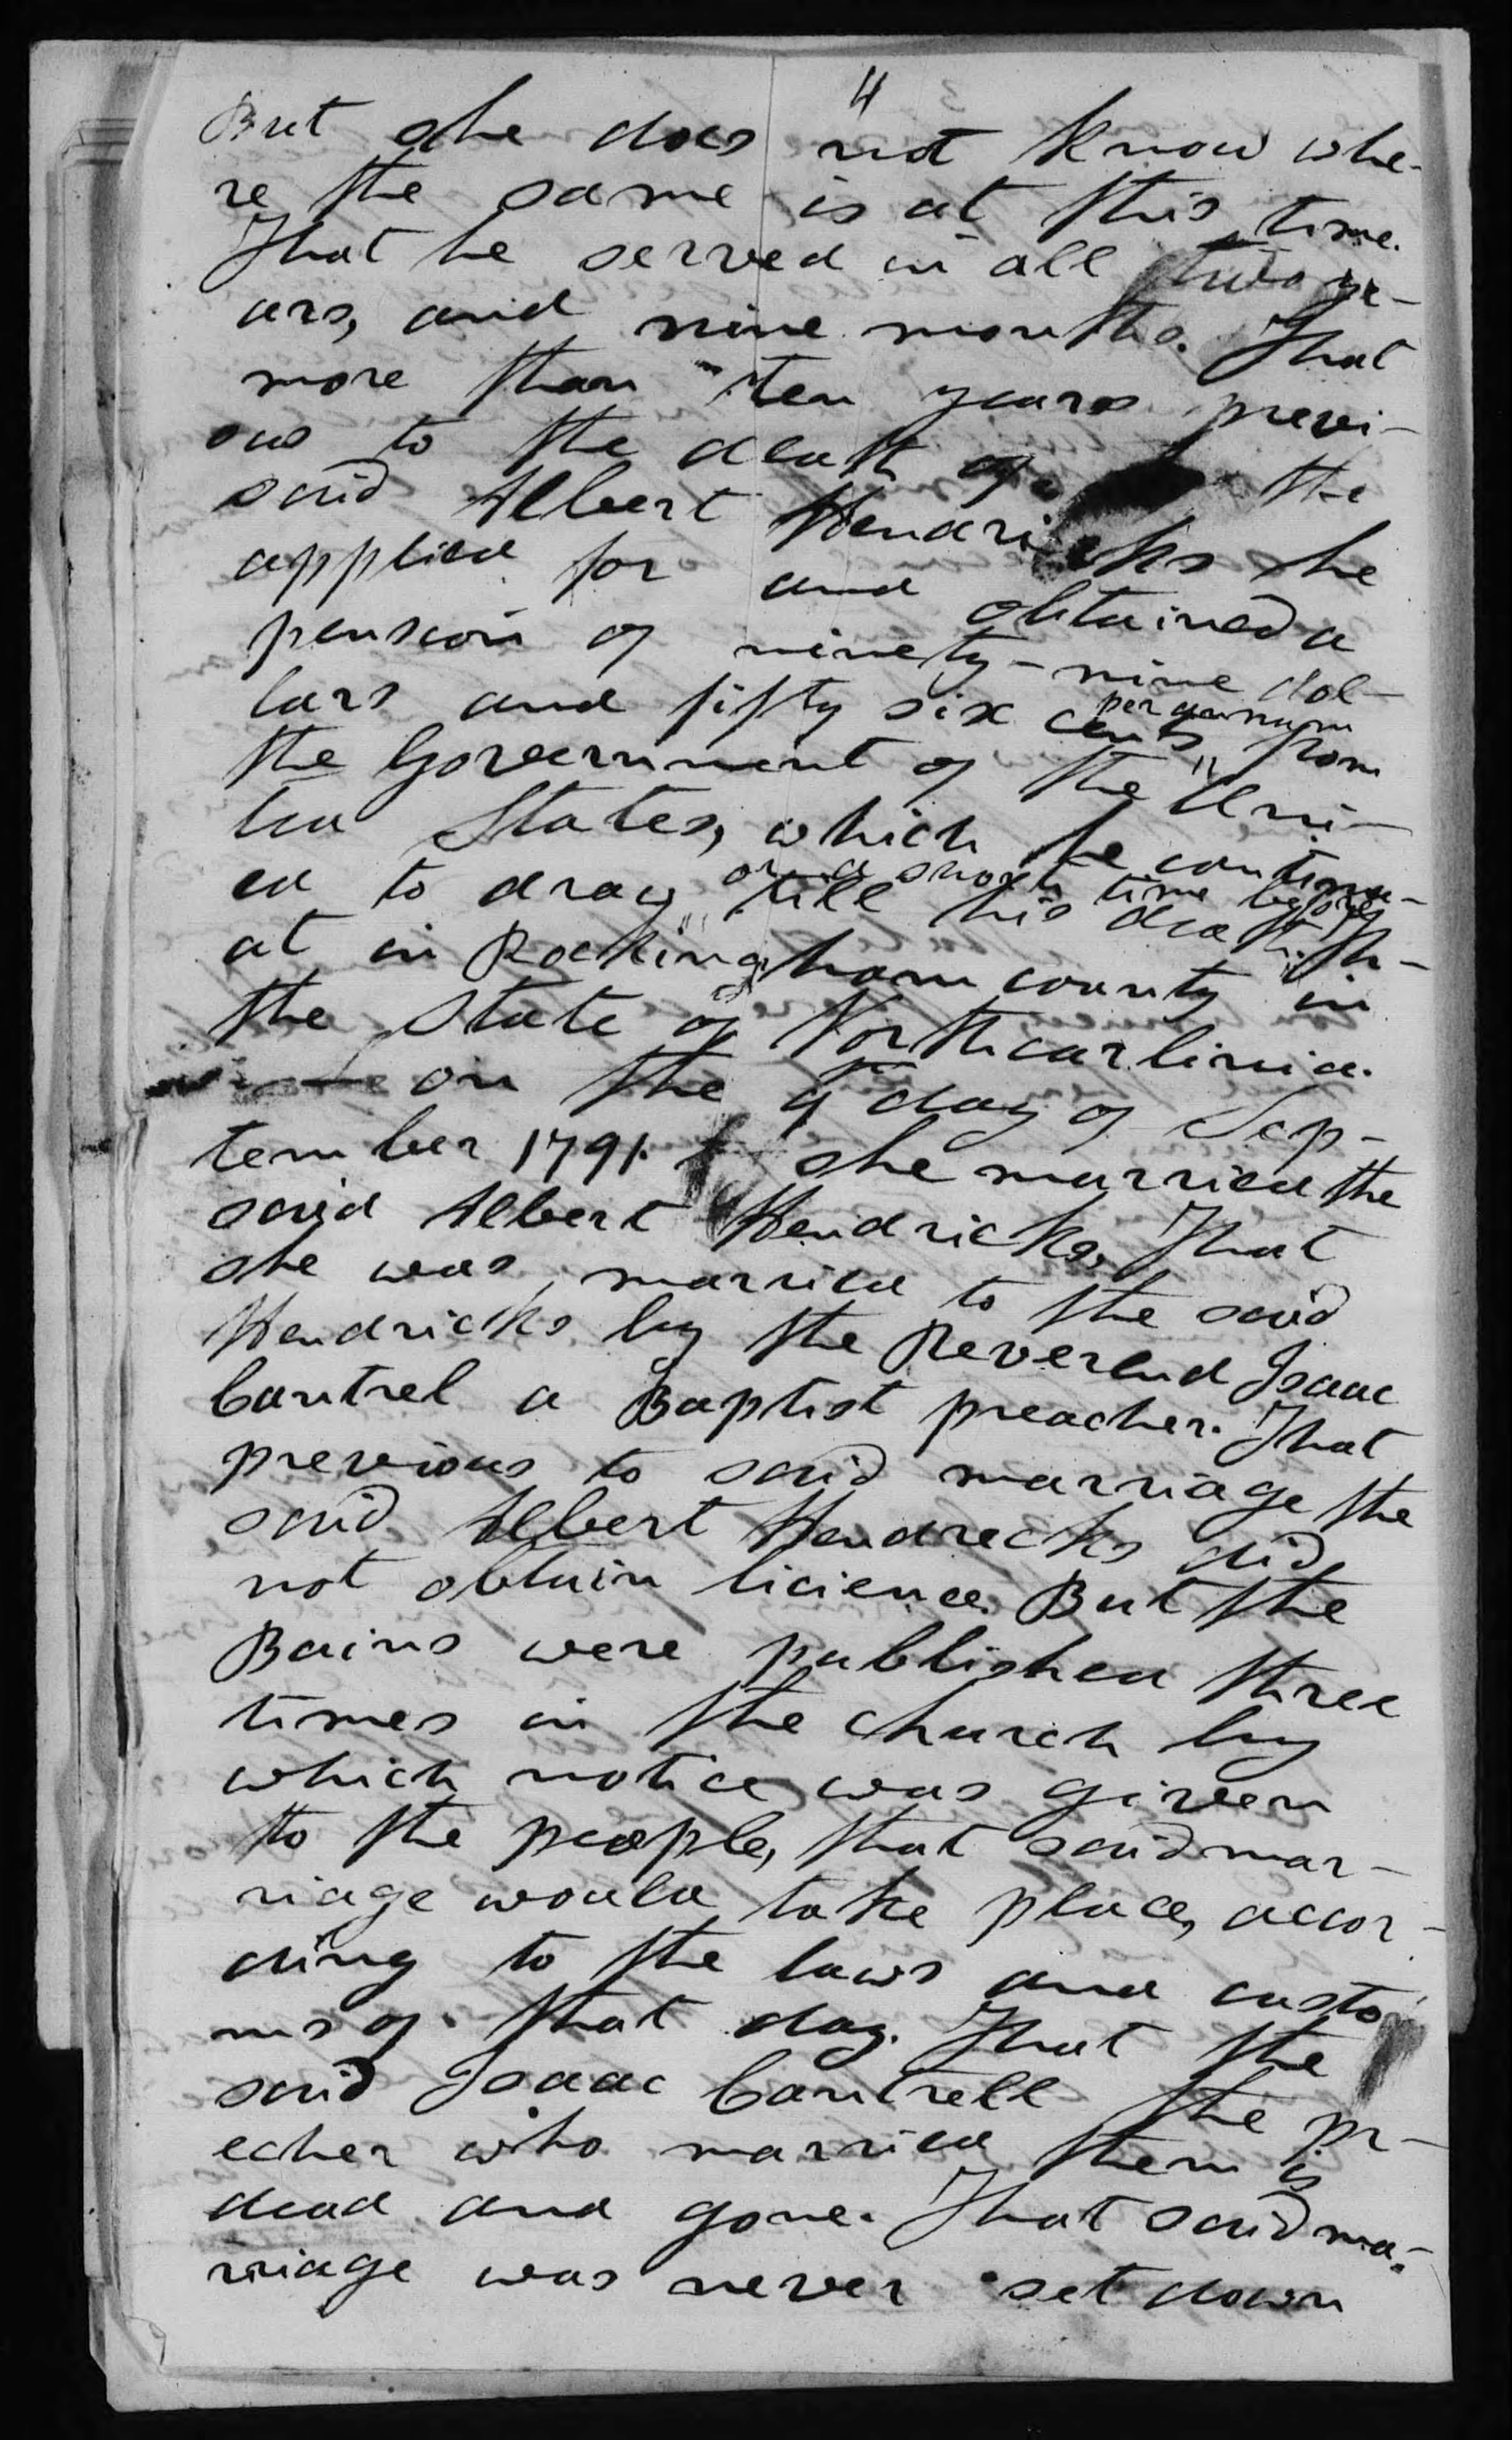4
but she does not know where the same is at this time. That he served in all two years, and nine months. That more than ten years previous to the death of the said Albert Hendricks he applied for and obtained a pension of ninety-nine dollars and fifty six cents per annum, from the Government of the United States, which he continued to draw till his death or a short time before. That in Rockingham county in the state of North Carolina on the 4th day of September 1791 she married the said Albert Hendricks. That she was married to the said Hendricks by the Reverend Isaac Cantrel a Baptist preacher. That previous to said marriage the said Albert Hendricks did not obtain liciences. But the Bains were published three times in the church by which notice was given to the people, that said marriage would take place, according to the laws and customs of that day. That the said Isaac Cantrell the precher who married them is dead and gone. That said marriage was never set down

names: Isaac Cantrell, Albert Hendricks, Isaac Cantrel, Albert Hendricks, Hendricks, Albert Hendricks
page: 26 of 76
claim: widow's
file: W. 83, Albert Hendricks, Continental Md. N.C.